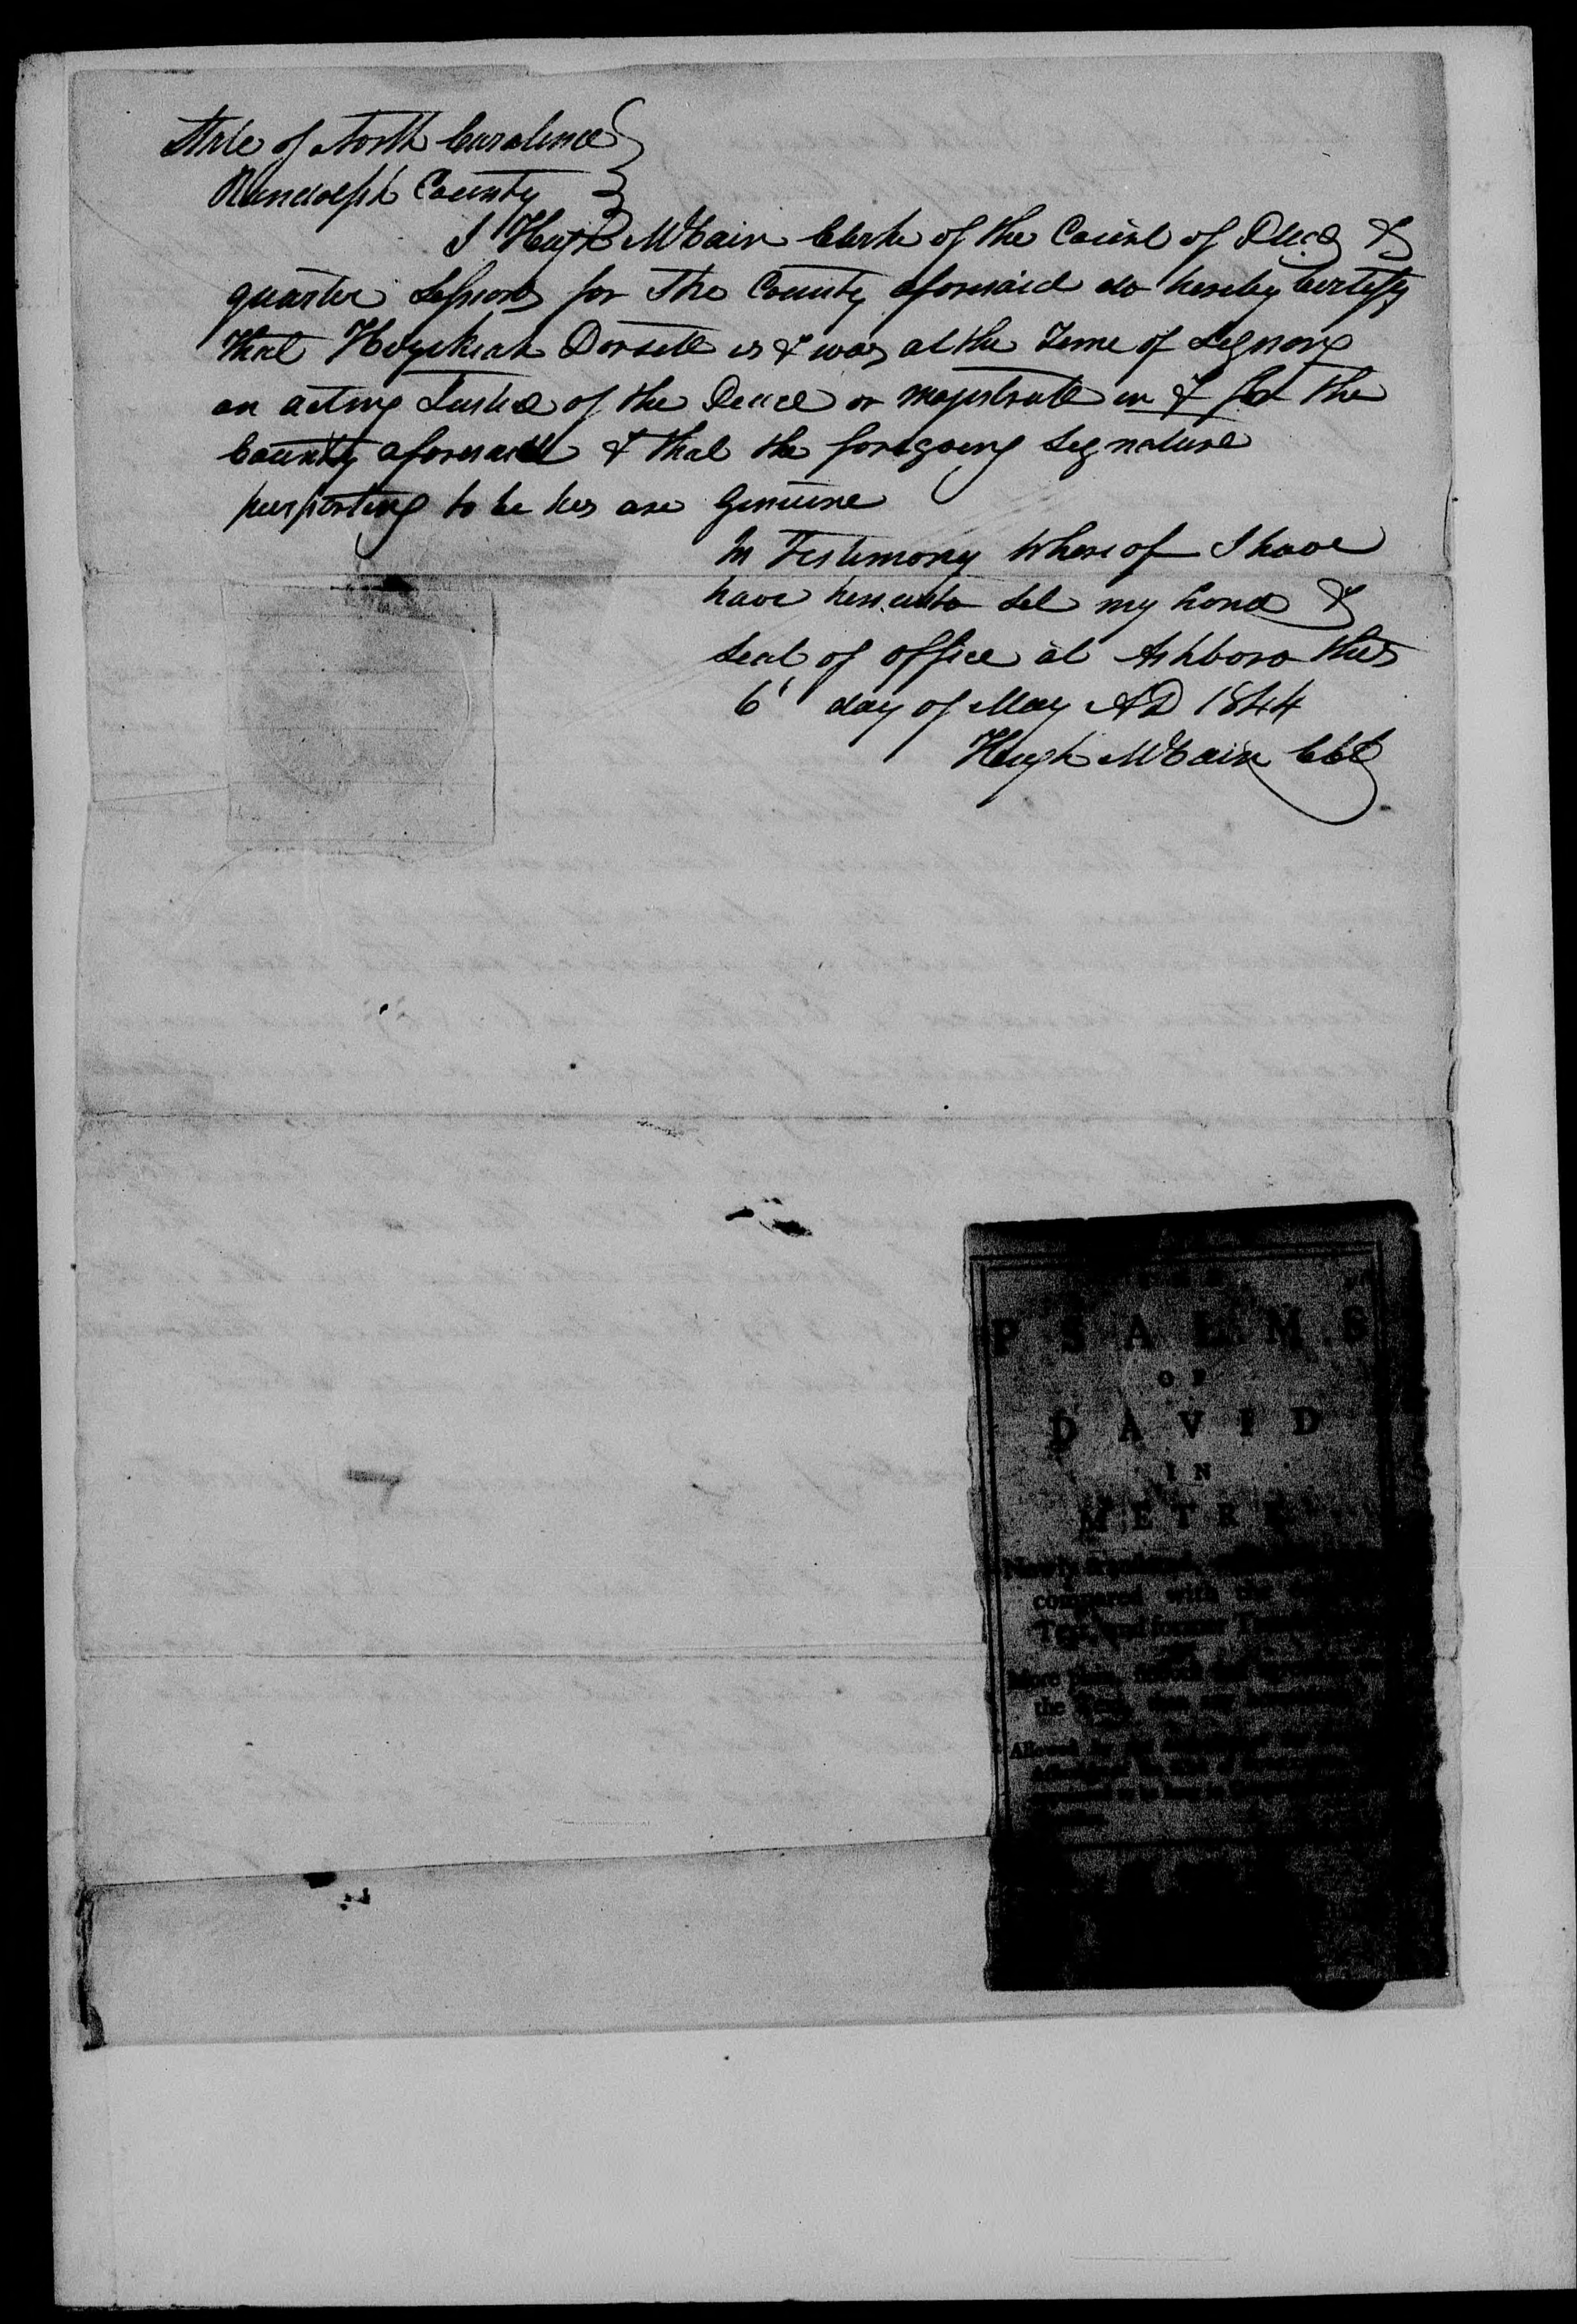State of North Carolina} 
Randolph County} 
I, Hugh McCain Clerk of the Court of Pleas & quarter Sessions for the County aforesaid do hereby certify that Hezekiah Dorsett is & was at the time of Session an acting Justice of the Peace or Magistrate in & for the County aforesaid & that the foregoing signature purporting to be his are genuine
In Testimony whereof I have [have] hereunto set my hand & a Seal of Office at Ashboro [Asheboro] this 6 day of May AD 1844 
Hugh McCain CCC

[Illegible typed paper attached]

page: 19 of 41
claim: widow's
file: W. 5033, for Joseph Johnston, North Carolina